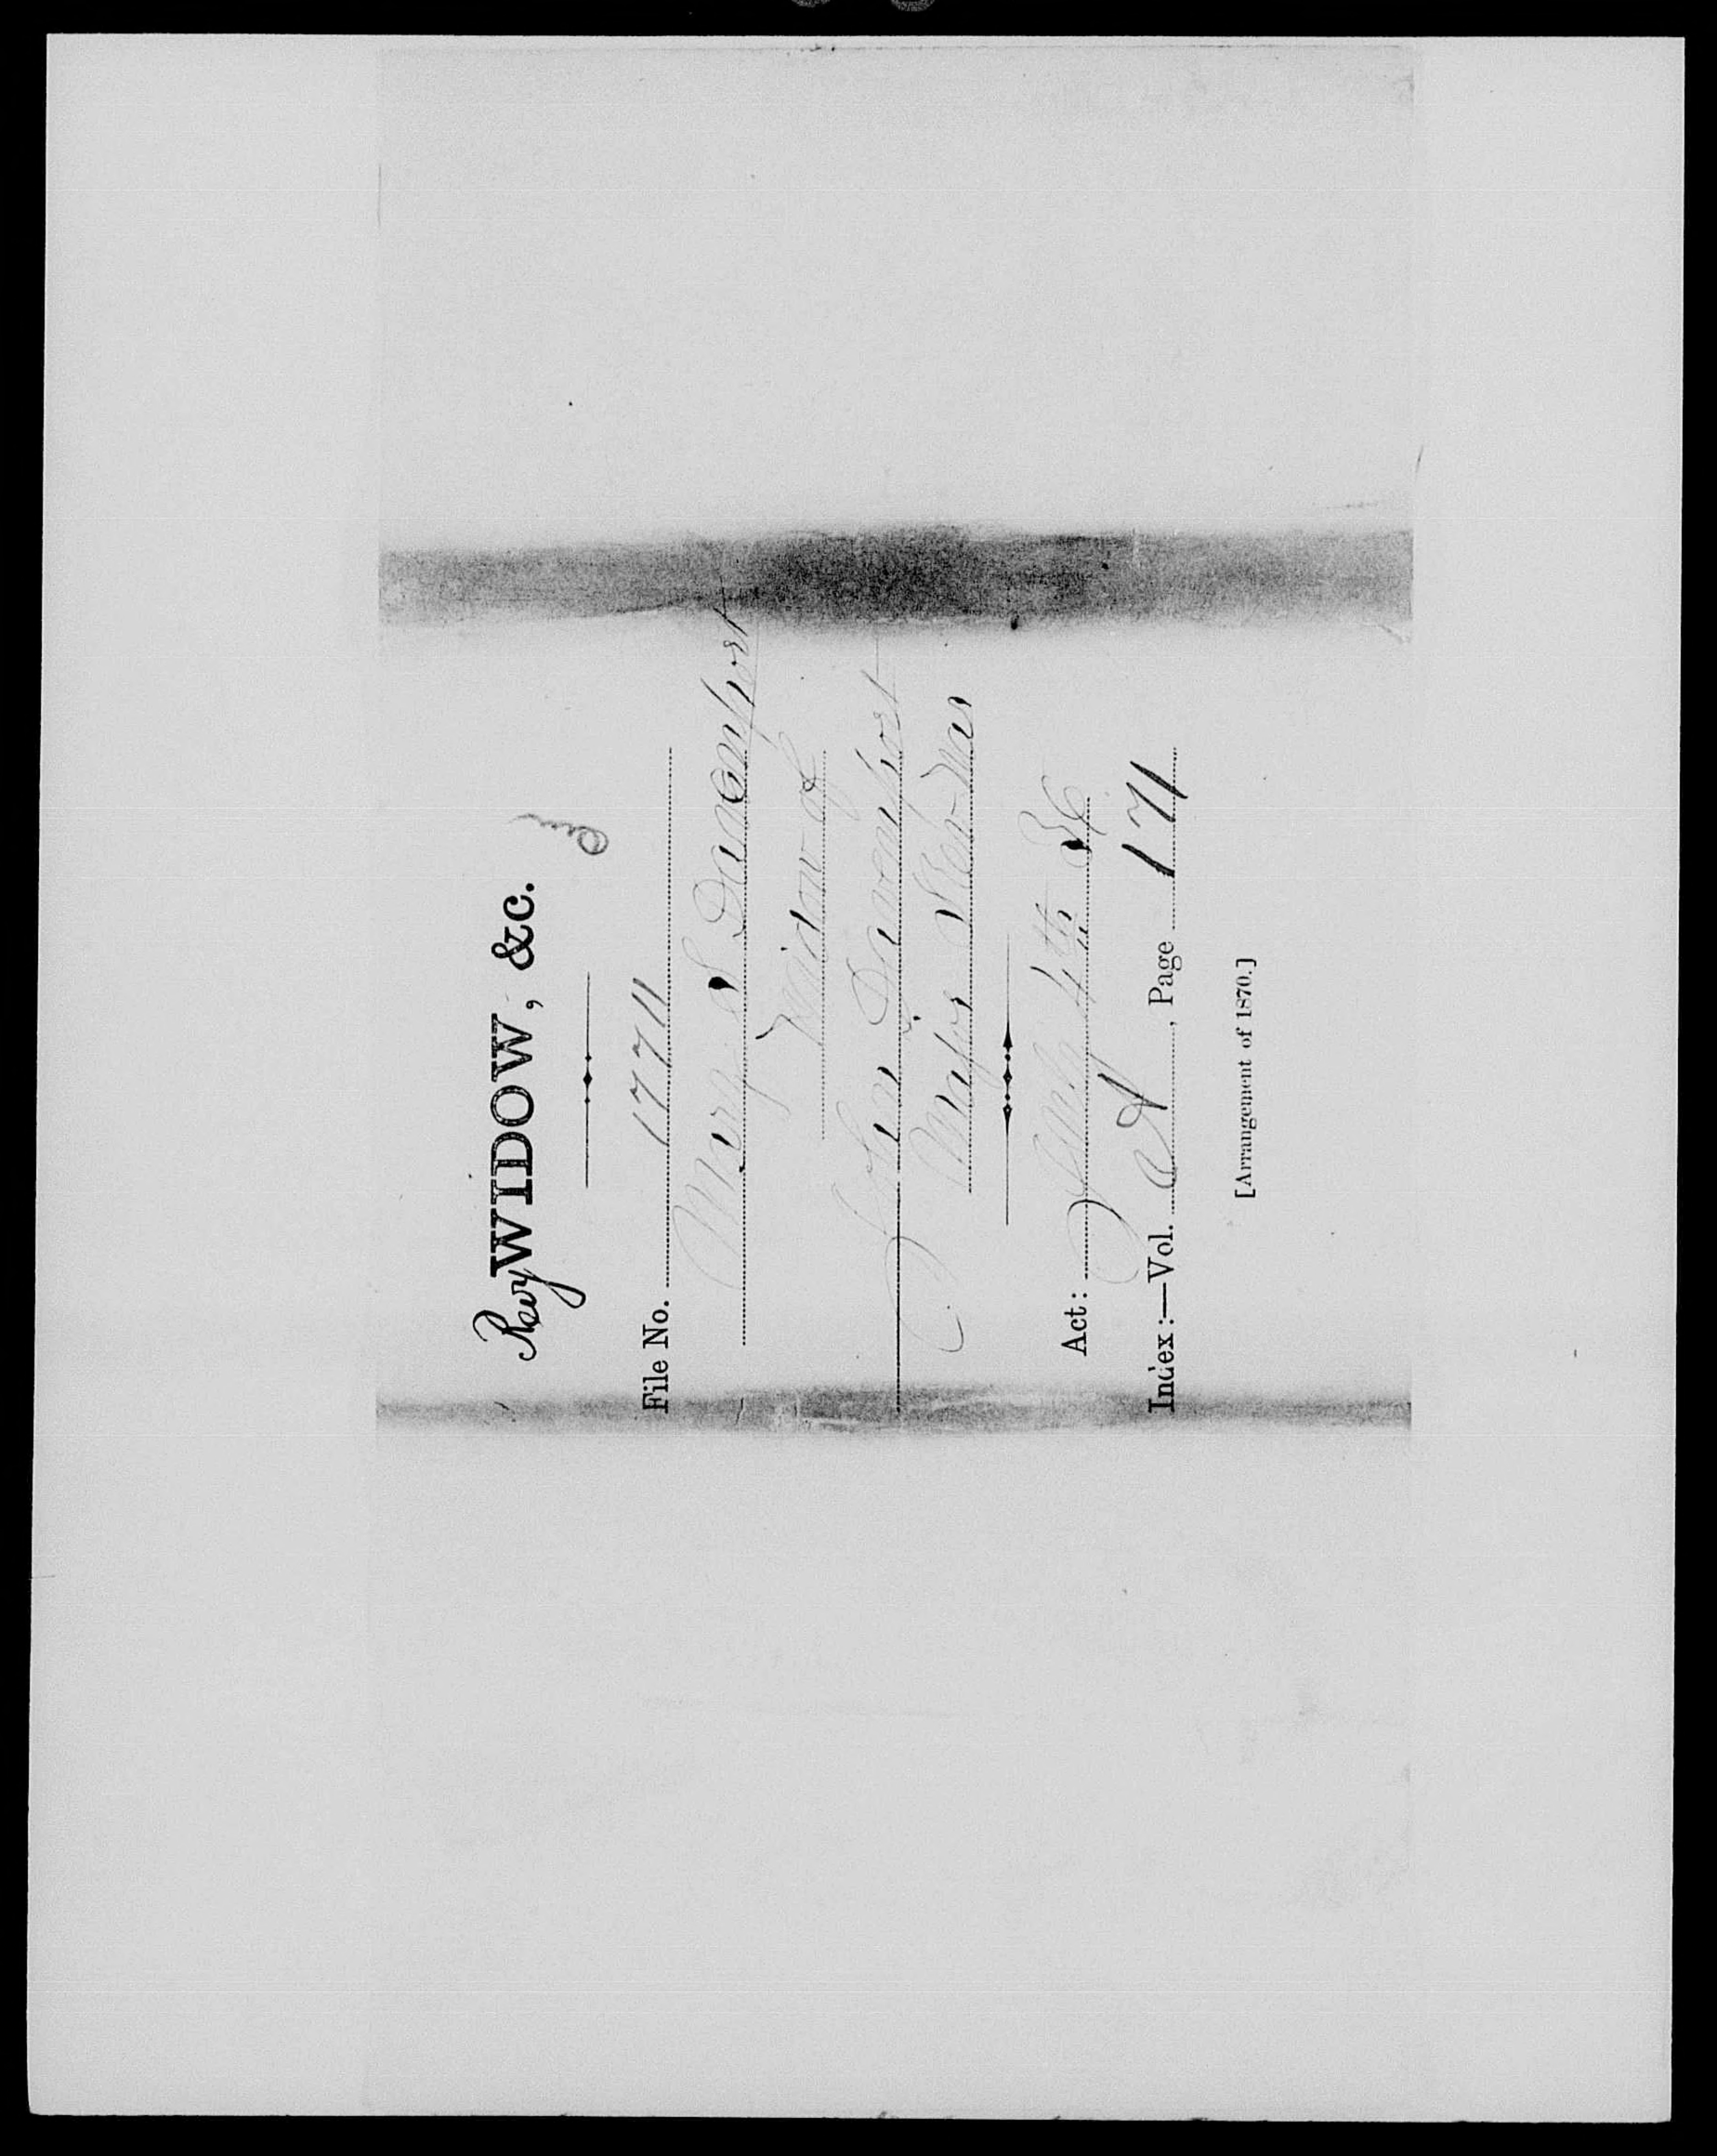Revy WIDOW, &c.

File No. 17711
Mary S. Davenport
Widow of 
John Davenport
Major Rev War
Act: July 4th 36
Index:--Vol. A, Page 171
[Arrangement of 1870.]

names: John Davenport, Mary S Davenport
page: 9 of 15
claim: widow's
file: W 17711, John Davenport, Conn.